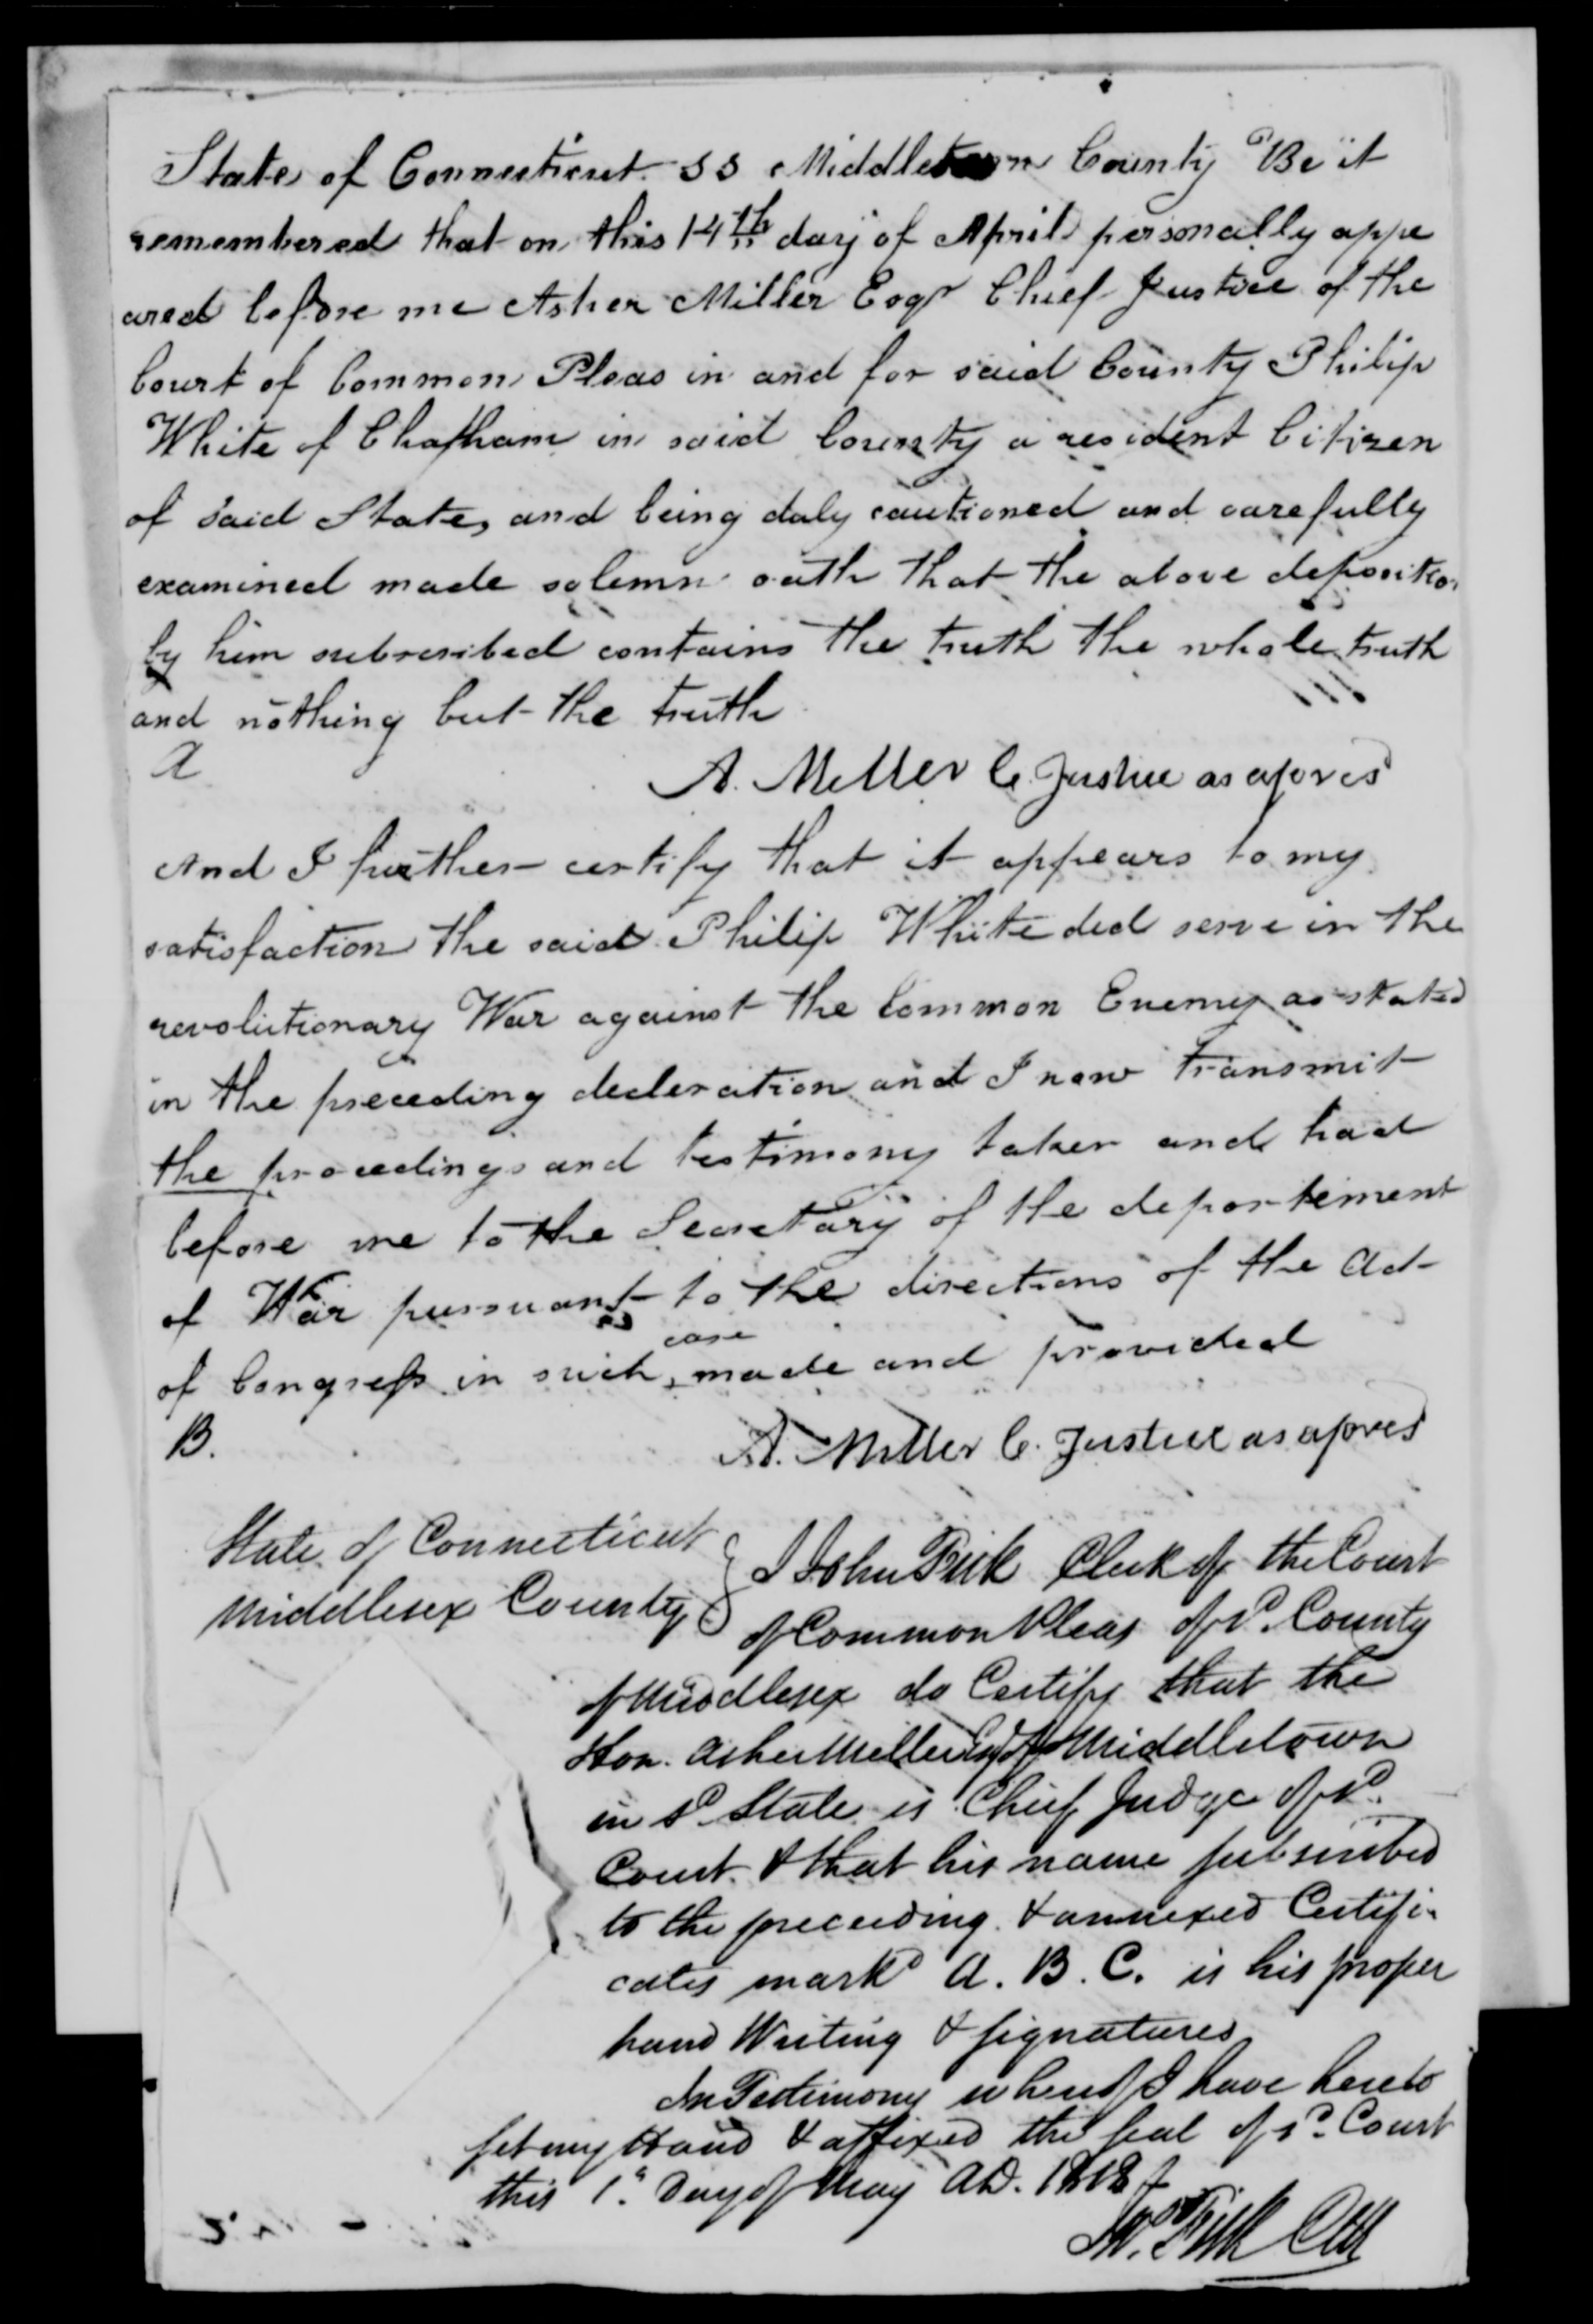State of Connecticut ss Middlesex County Be it
remembered that on this 14th day of April personally 
appeared before me Asher Miller Esqr Chief Justice of the
Court of Common Pleas in and for said County Philip
White of Chatham in said County a resident Citizen
of said State and being duly cautioned and carefully
examined made solemn oath that the above deposition
by him subscribed contains the truth the whole truth
and nothing but the truth
A
A. Miller A Justice as aforesd
And I further certify that it appears to my
satisfaction the said Philip White did serve in the
revolutionary War against the Common Enemy as stated
in the preceding declaration and I now transmit
the proceedings and testimony taken and had
before me to the Secretary of the department
of War pursuant to the directions of the Act
act of Congress in such [inserted:] made and provided
B
A. Miller C. Justice as afores

State of Connecticut
Middlesex County
I John Fisk Clerk of the Court
of Common Pleas of sd County
of Middlesex do certify that the
Hon. Asher Miller Middletown
in sd State is Chief Judge of sd
Court & that his name subscribed
to the preceeding & annexed 
Certificates markd A.B.C. is his proper
hand writing & signatures
In Testimony whereof I have hereto
set my hand & affixed the seal of sd Court
this 1st day of May A.D. 1818
Jn. Fisk Clrk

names: John Fisk, Philip White, Asher Miller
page: 5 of 50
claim: widow's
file: W. 25,969, Philip White, Conn.